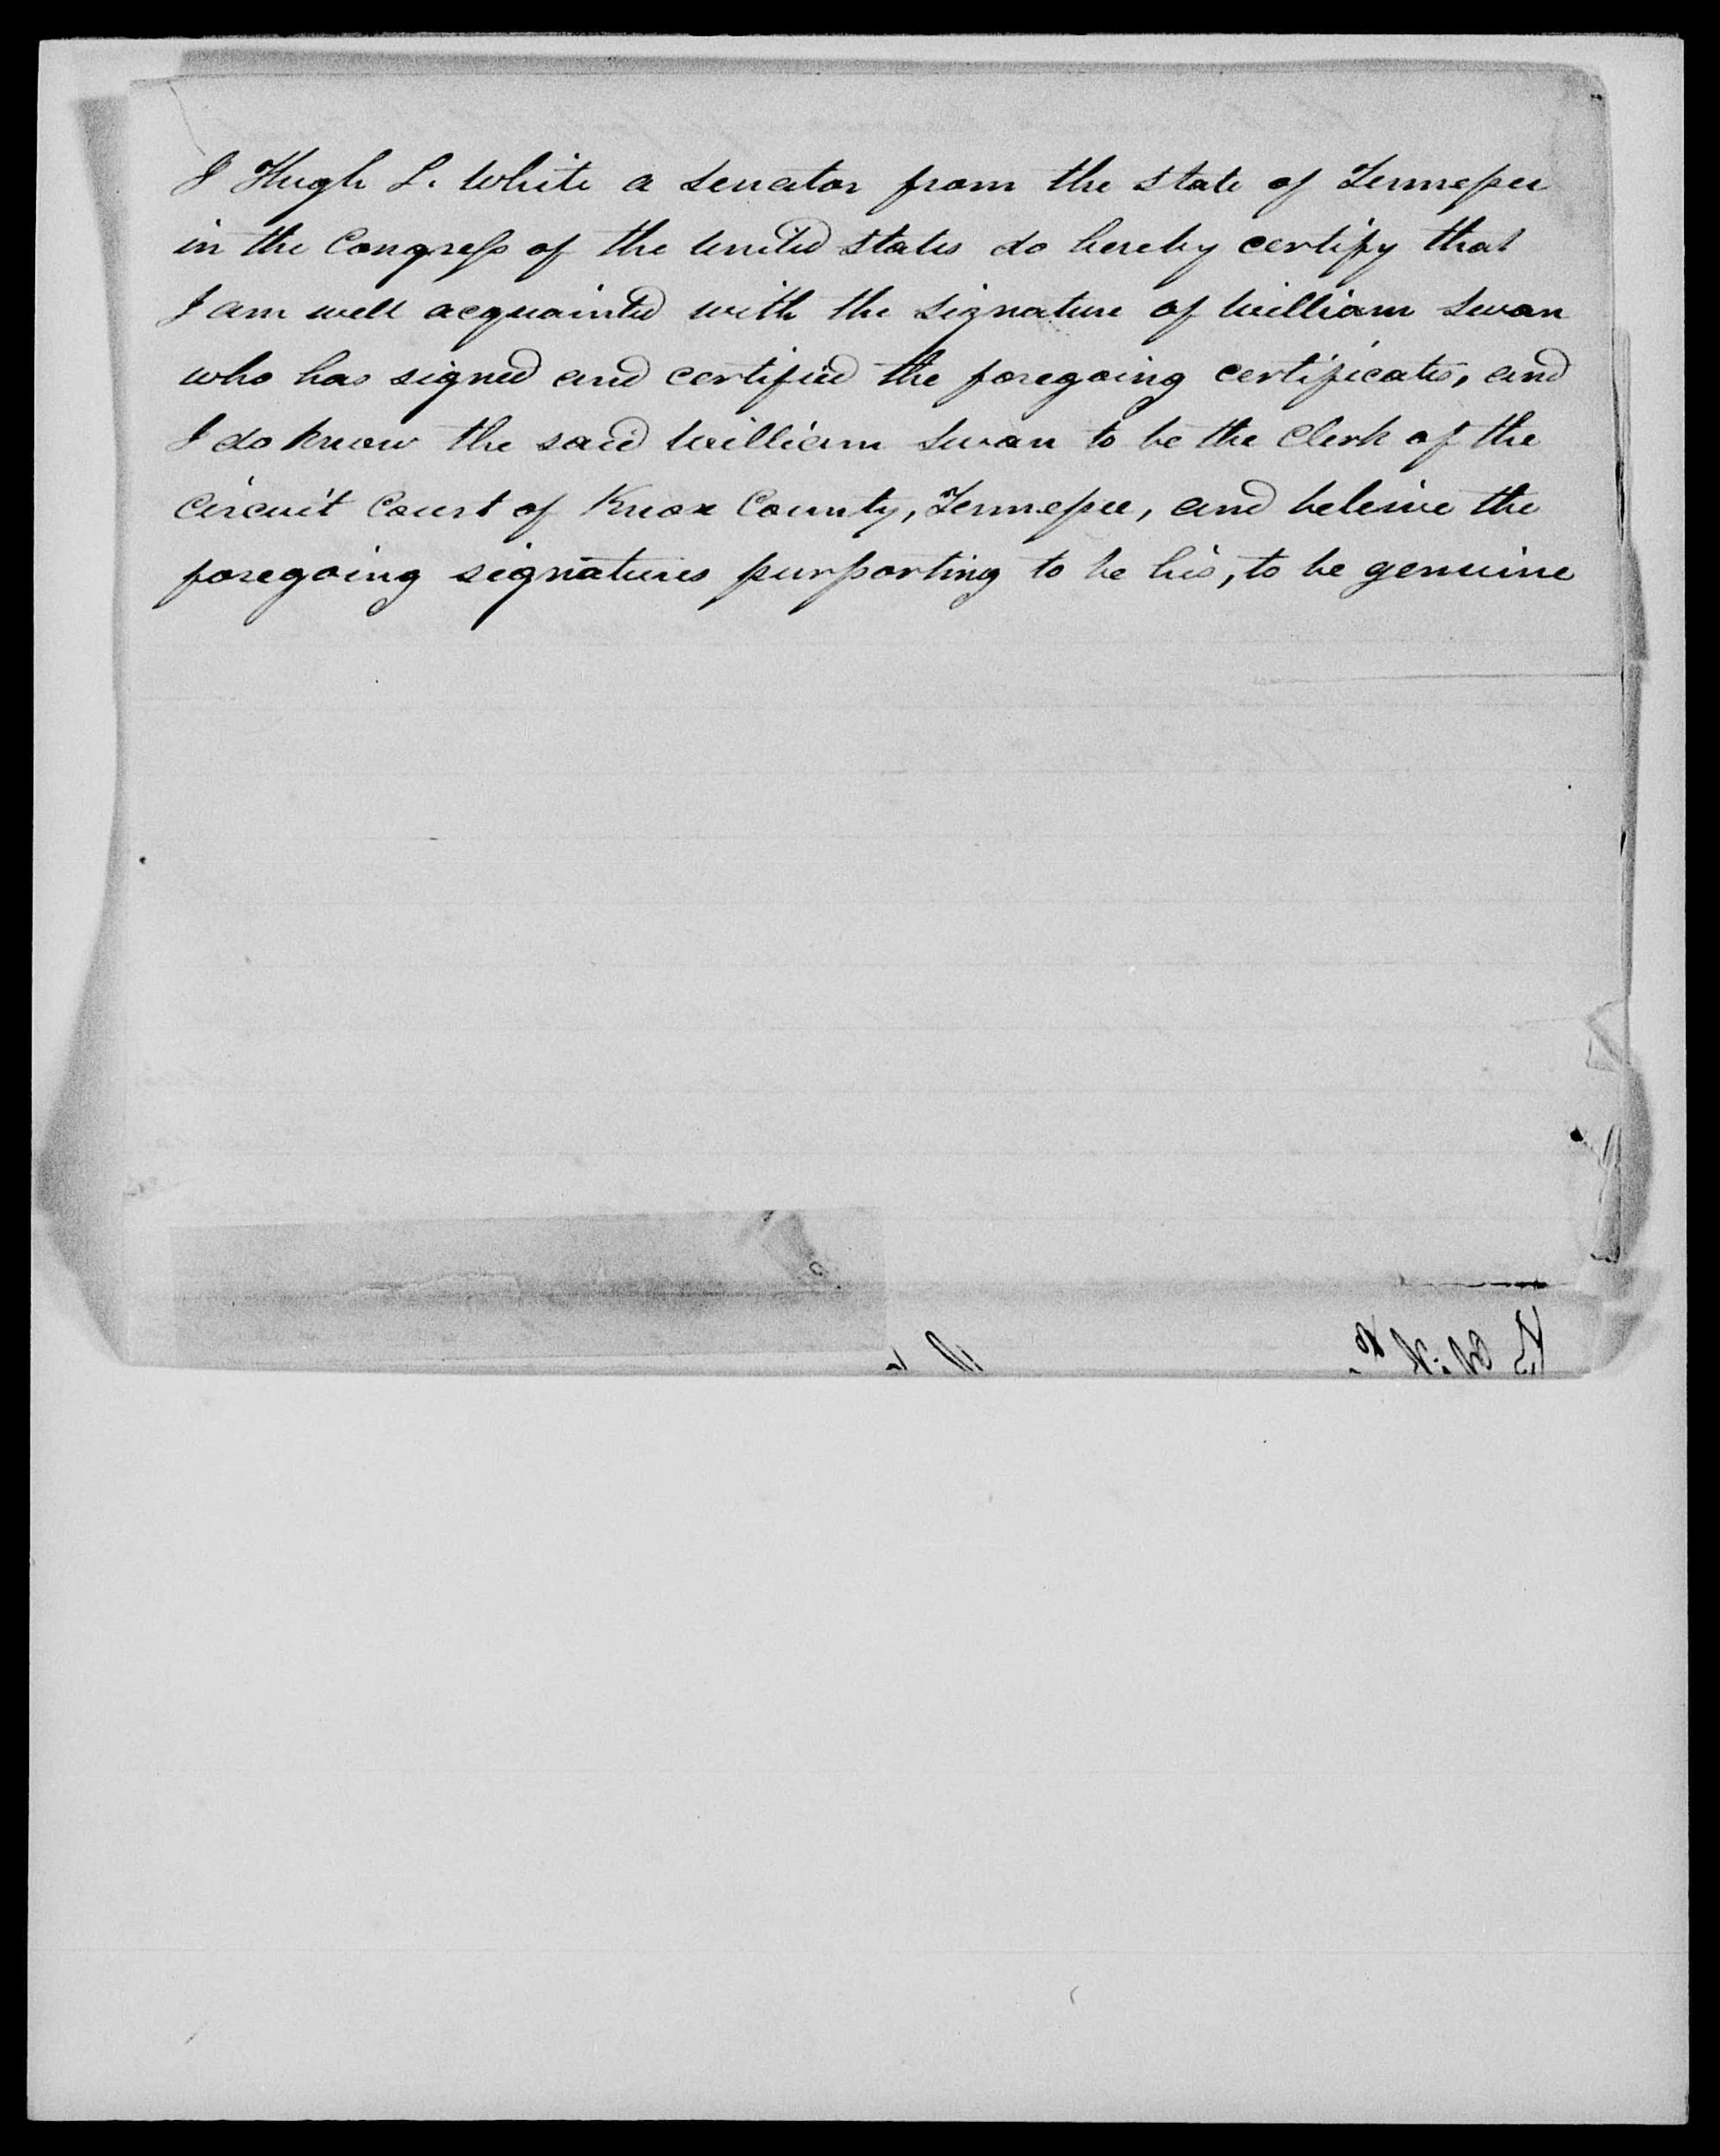I Hugh L. White a Senator from the State of Tennessee in the Congress of the United States do hereby certify that I am acquainted with the signature of William Swan who has signed and certified the foregoing certificates, and I do know the said William Swan to be the Clerk of the Circuit Court of Knox County, Tennessee, and believe the foregoing signatures purporting to be his, to be genuine.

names: Hugh L White, William Swan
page: 8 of 19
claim: survivor's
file: S. 1826, George Hufacre, Va.